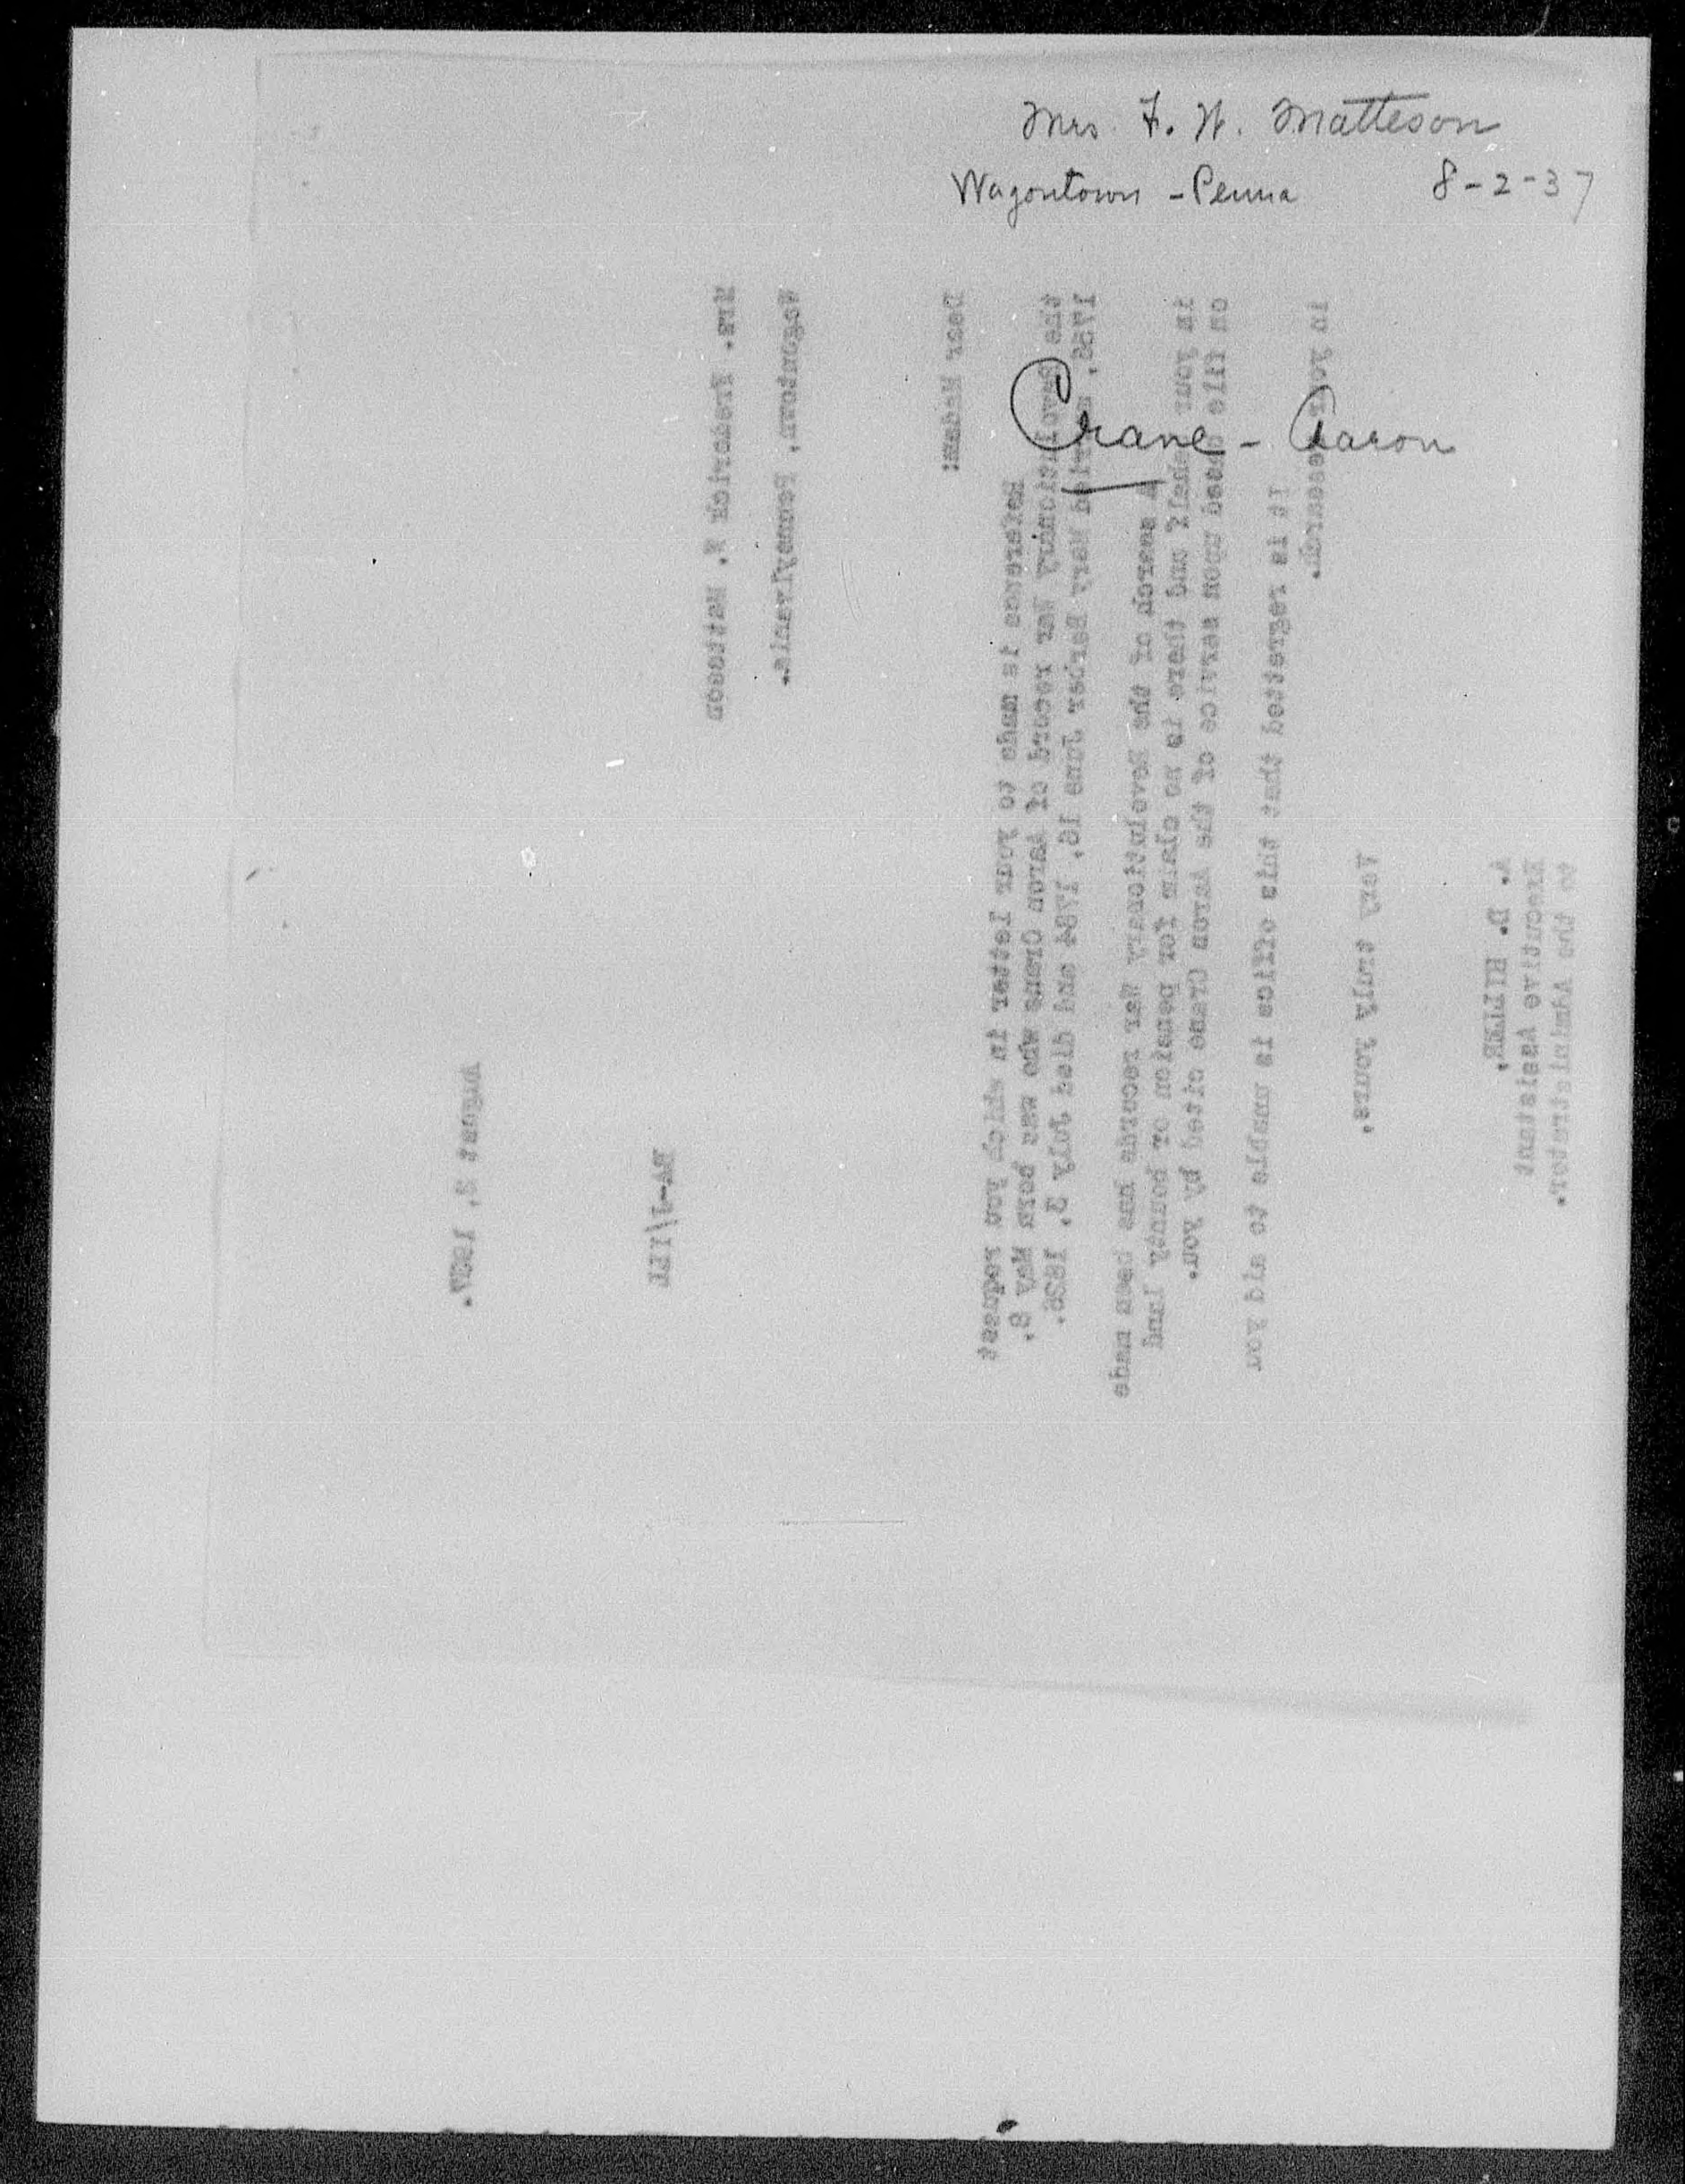Mrs. F. W. Matteson

Wagontown  --   Penna  8 - 2 - 37



Crane - Aaron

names: Aaron Crane, F W Matteson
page: 31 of 32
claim: rejected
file: R. 2441, Aaron Crane, New Jersey